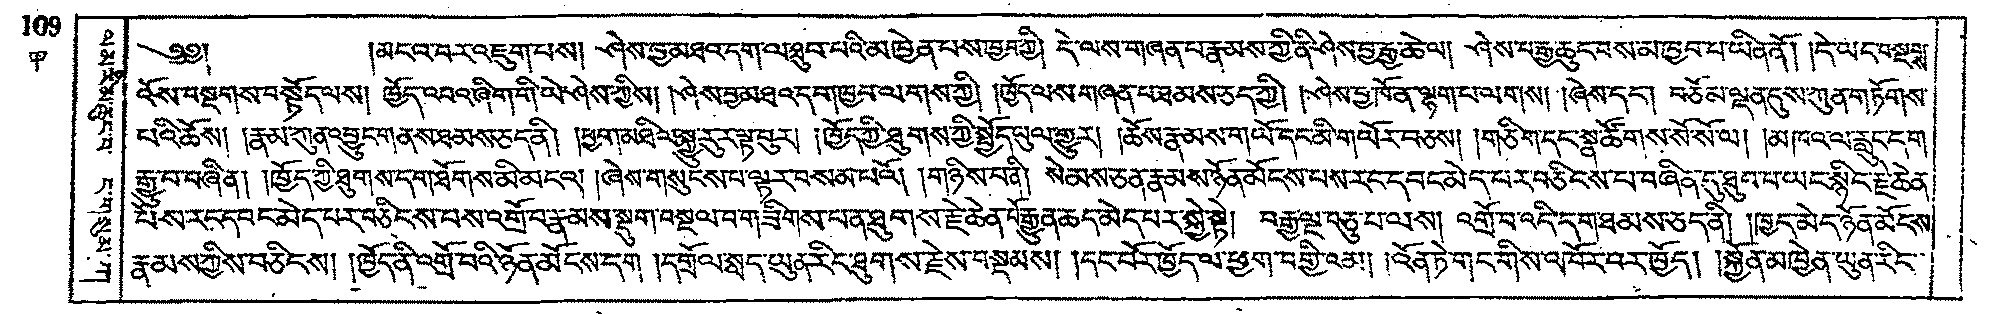༄༅། །མངའ་བར་འཇུག་པས། ཤེས་བྱ་མཐའ་དག་ལ་ཐུབ་པའི་མཁྱེན་པས་ཁྱབ་ཀྱི། དེ་ལས་གཞན་པ་རྣམས་ཀྱི་ནི་ཤེས་བྱ་རྒྱ་ཆེ་ལ། ཤེས་པ་རྒྱ་ཆུང་བས་མ་ཁྱབ་པ་ཡིན་ནོ། །དེ་ཡང་བསྔགས་
འོས་བསྔགས་བསྟོད་ལས། ཁྱོད་འབའ་ཞིག་གི་ཡེ་ཤེས་ཀྱིས། །ཤེས་བྱ་མཐའ་དག་ཁྱབ་ལགས་ཀྱི། །ཁྱོད་ལས་གཞན་པ་ཐམས་ཅད་ཀྱི། །ཤེས་བྱ་ཁོ་ན་ལྷག་པ་ལགས། །ཞེས་དང་། བཅོམ་ལྡན་དུས་ཀུན་གཏོགས་
པའི་ཆོས། །རྣམ་ཀུན་འབྱུང་གནས་ཐམས་ཅད་ནི། །ཕྱག་མཐིལ་སྐྱུ་རུ་ར་ལྟ་བུར། །ཁྱོད་ཀྱི་ཐུགས་ཀྱི་སྤྱོད་ཡུལ་གྱུར། །ཆོས་རྣམས་གཡོ་དང་མི་གཡོར་བཅས། །གཅིག་དང་སྣ་ཚོགས་སོ་སོ་ལ། །མཁའ་ལ་རླུང་དག་
རྒྱུ་བ་བཞིན། །ཁྱོད་ཀྱི་ཐུགས་དག་ཐོགས་མི་མངའ། །ཞེས་གསུངས་པ་ལྟར་བསམ་པའོ། །གཉིས་པ་ནི། སེམས་ཅན་རྣམས་ཉོན་མོངས་པས་རང་དབང་མེད་པར་བཅིངས་པ་བཞིན་དུ་ཐུབ་པ་ཡང་སྙིང་རྗེ་ཆེན་
པོས་རང་དབང་མེད་པར་བཅིངས་པས་འགྲོ་བ་རྣམས་སྡུག་བསྔལ་བ་གཟིགས་པ་ན་ཐུགས་རྗེ་ཆེན་པོ་རྒྱུན་ཆད་མེད་པར་སྐྱེ་སྟེ། བརྒྱ་ལྔ་བཅུ་པ་ལས། འགྲོ་བ་འདི་དག་ཐམས་ཅད་ནི། །ཁྱད་མེད་ཉོན་མོངས་
རྣམས་ཀྱིས་བཅིངས། །ཁྱོད་ནི་འགྲོ་བའི་ཉོན་མོངས་དག །དགྲོལ་སླད་ཡུན་རིང་ཐུགས་རྗེས་བསྡམས། །དང་པོར་ཁྱོད་ལ་ཕྱག་བགྱི་འམ། །འོན་ཏེ་གང་གིས་འཁོར་བར་ཁྱོད། །སྐྱོན་མཁྱེན་ཡུན་རིང་